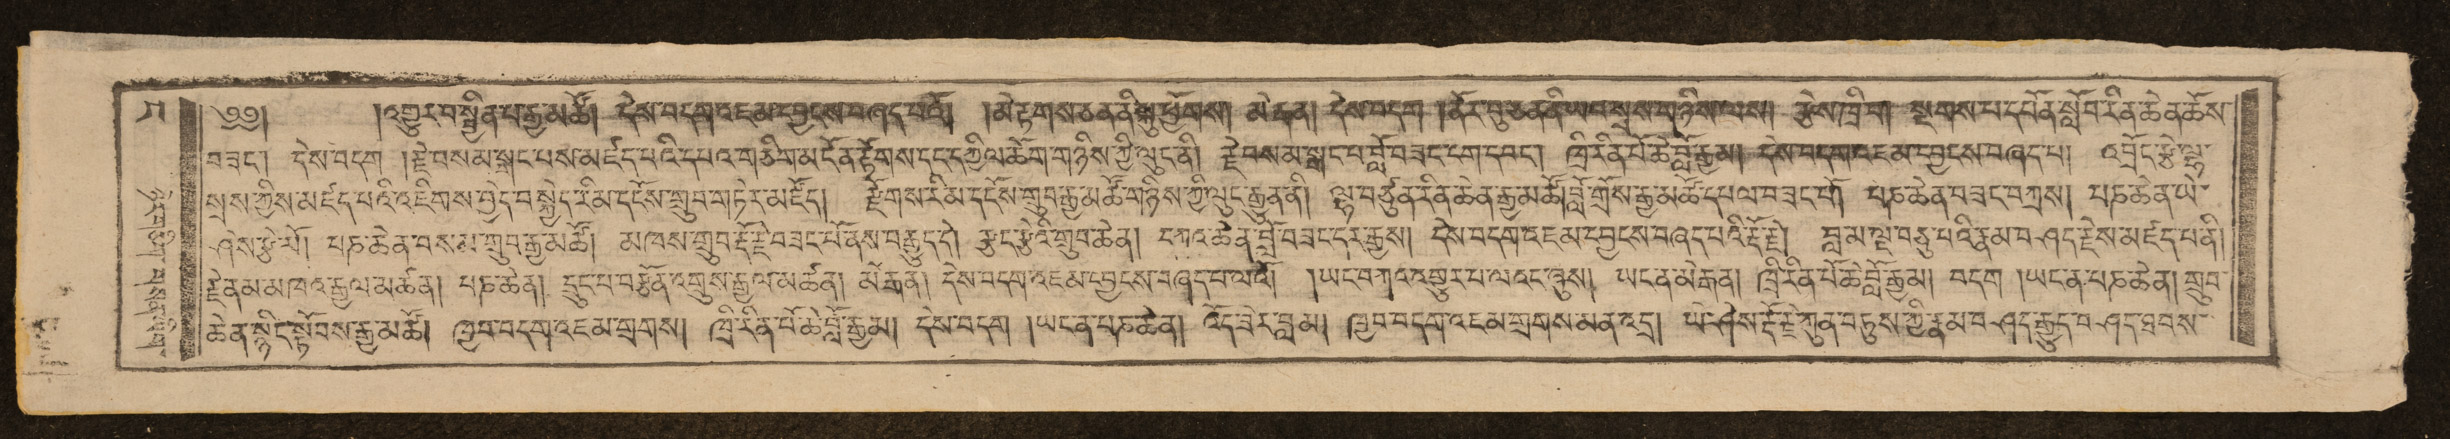༄༅། །འགྱུར་བསྦྱིན་པ་རྒྱ་མཚོ། དེས་བདག་འཇམ་དབྱངས་བཞད་པའོ། །མེ་རྟགས་ཅན་ནི་སྐུ་ཕྱོགས། མེ་རྒན། དེས་བདག །ནོར་བུ་ཅན་ནི་ཡབ་སྲས་གཉིས་ལས། རྩེས་ཁྲི་བ། སྔགས་པ་དཔོན་སློབ་རིན་ཆེན་ཆོས་
བཟང་། དེས་བདག །རྗེ་བསམ་སྒང་པས་མཛད་པའི་དཔའ་གཅིག་མངོན་རྟོགས་དད་དཀྱིལ་ཆོག་གཉིས་ཀྱི་ལུང་ནི། རྗེ་བསམ་སྒང་པ་བློ་བཟང་དག་དབང་། ཁྲི་རིན་པོ་ཆེ་བློ་རྒྱ་མ། དེས་བདག་འཇམ་དབྱངས་བཞད་པ། འབྲོང་རྩེ་ལྷ་
སྲས་ཀྱིས་མཛད་པའི་འཇིགས་བྱེད་བསྐྱེད་རིམ་དངོས་གྲུབ་གཏེར་མཛོད། རྫོགས་རིམ་དངོས་གྲུབ་རྒྱ་མཚོ་གཉིས་ཀྱི་ལུང་རྒྱུན་ནི། ལྷ་བཙུན་རིན་ཆེན་རྒྱ་མཚོ། བློ་གྲོས་རྒྱ་མཚོ་དཔལ་བཟང་པོ། པཎ་ཆེན་ཡེ་
ཤེས་རྩེ་མོ། པཎ་ཆེན་བསམ་གྲུབ་རྒྱ་མཚོ། མཁས་གྲུབ་རྡོ་རྗེ་བཟང་པོ་ནས་བརྒྱུད་དེ། རྩད་རྩེའི་གྲུབ་ཆེན། དཀའ་ཆེན་བློ་བཟང་དར་རྒྱས། དེས་བདག་འཇམ་དབྱངས་བཞད་པའི་རྡོ་རྗེ། བླ་མ་ལྔ་བཅུ་པའི་རྣམ་བཤད་རྗེས་མཛད་པ་ནི།
རྗེ་ནམ་མཁའ་རྒྱལ་མཚན། པཎ་ཆེན། དྲུང་པ་བརྩོན་འགྲུས་རྒྱལ་མཚན། མེ་རྒན། དེས་བདག་འཇམ་དབྱངས་བཞད་པ་ལའོ། །ཡང་བཀའ་འགྱུར་བ་ལའང་ཞུས། ཡང་ན་མེ་རྒ་ན། ཁྲི་རིན་པོ་ཆེ་བློ་རྒྱ་མ། བདག །ཡང་ན་པཎ་ཆེན་།གྲུབ་
ཆེན་སྙིང་སྟོབས་རྒྱ་མཚོ། ཁྱབ་བདག་འཇམ་གྲགས། ཁྲི་རིན་པོ་ཆེ་བློ་རྒྱ་མ། དེས་བདག །ཡང་ན་པཎ་ཆེན། འོད་ཟེར་བླ་མ། ཁྱབ་བདག་འཇམ་གྲགས་མན་འདྲ། ཡེ་ཤེས་རྡོ་རྗེ་ཀུན་བཏུས་ཀྱི་རྣམ་བཤད་རྒྱུད་བཤད་ཐབས་